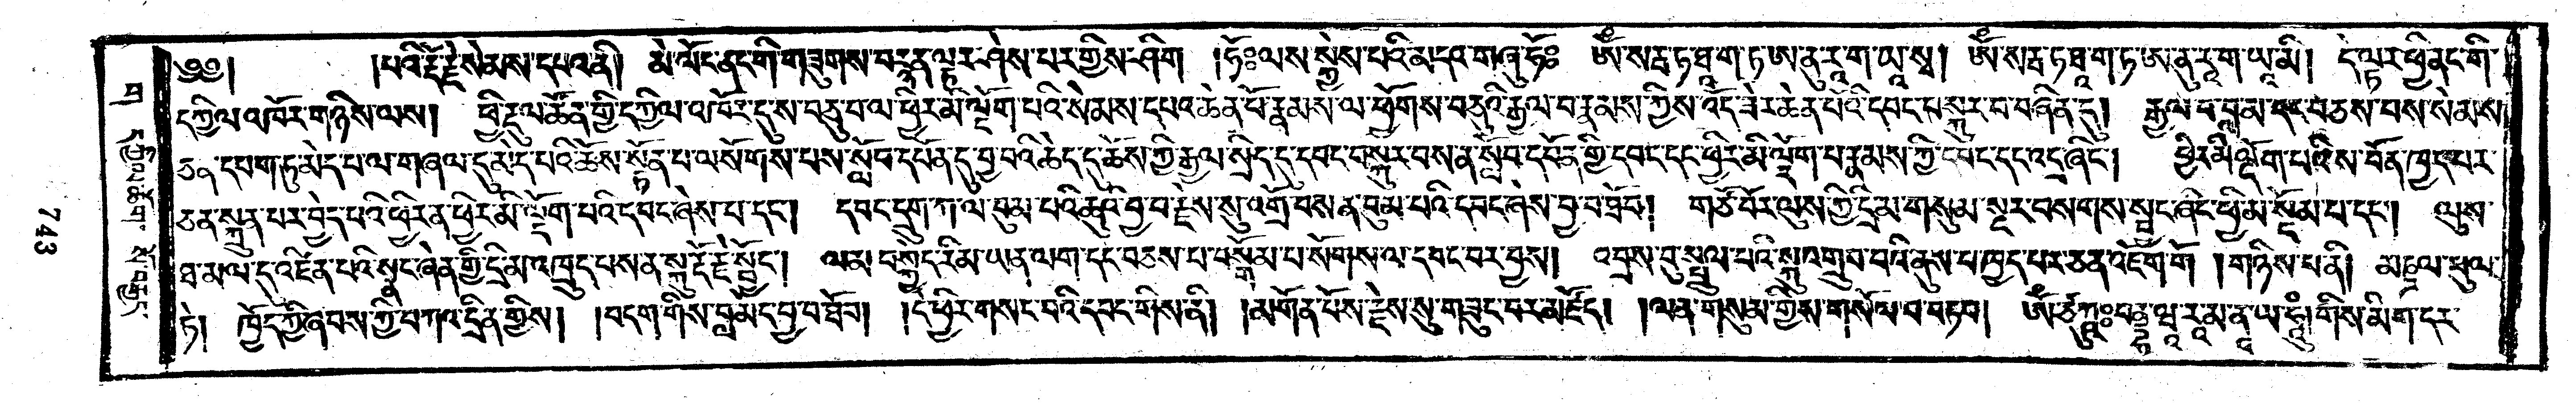༄༅། །པའི་རྡོ་རྗེ་སེམས་དཔའ་ནི། མེ་ལོང་ནང་གི་གཟུགས་བརྙན་ལྟར་ཤེས་པར་གྱིས་ཤིག །ཧོཿལས་སྐྱེས་པའི་མདའ་གཞུ་ཧོཿ ཨོཾ་སརྦ་ཏ་ཐཱ་ག་ཏ་ཨ་ནུ་རཱ་ག་ཡཱ་སྭ། ཨོཾ་སརྦ་ཏ་ཐཱ་ག་ཏ་ཨ་ནུ་རཱ་ག་ཡཱ་མི། དེ་ལྟར་ཕྱི་ནང་གི་
དཀྱིལ་འཁོར་གཉིས་ལས། ཕྱི་རྡུལ་ཚོན་གྱི་དཀྱིལ་འཁོར་དུ་ས་བཅུ་བ་ལ་ཕྱིར་མི་ལྡོག་པའི་སེམས་དཔའ་ཆེན་པོ་རྣམས་ལ་ཕྱོགས་བཅུའི་རྒྱལ་བ་རྣམས་ཀྱིས་འོད་ཟེར་ཆེན་པོའི་དབང་བསྐུར་བ་བཞིན་དུ། རྒྱལ་བ་བླ་མ་དང་བཅས་པས་སེམས་
ཅན་དཔག་ཏུ་མེད་པ་ལ་གཞལ་དུ་མེད་པའི་ཆོས་སྟོན་པ་ལ་སོགས་པས་སློབ་དཔོན་དུ་བྱ་བའི་ཆེད་དུ་ཆོས་ཀྱི་རྒྱལ་སྲིད་དུ་དབང་བསྐུར་བས་ན་སློབ་དཔོན་གྱི་དབང་དང་ཕྱིར་མི་ལྡོག་པ་རྣམས་ཀྱི་དབང་དང་འདྲ་ཞིང་། ཕྱིར་མི་ལྡོག་པའི་ས་བོན་ཁྱད་པར་
ཅན་སྐྲུན་པར་བྱེད་པའི་ཕྱིར་ན་ཕྱིར་མི་ལྡོག་པའི་དབང་ཞེས་པ་དང་། དབང་དྲུག་ཀ་ལ་བུམ་པའི་ཆུའི་བྱ་བ་རྗེས་སུ་འགྲོ་བསན་བུམ་པའི་དབང་ཞེས་བྱ་བ་ཐོབ། གཙོ་བོར་ལུས་ཀྱི་དྲི་མ་གསུམ་སྔར་བསགས་སྦྱང་ཞིང་ཕྱི་མ་སྡོམ་པ་དང་། ལུས་
ཐ་མལ་དུ་འཛིན་པའི་སྣང་ཞེན་གྱི་དྲི་མ་འཁྲུད་པས་ན་སྐུ་རྡོ་རྗེ་སྦྱོང་། ལམ་བསྐྱེད་རིམ་ཡན་ལག་དང་བཅས་པ་བསྒོམ་པ་སོགས་ལ་དབང་བར་བྱས། འབྲས་བུ་སྤྲུལ་པའི་སྐུ་འགྲུབ་པའི་ནུས་པ་ཁྱད་པར་ཅན་འཇོག་གོ །གཉིས་པ་ནི། མཎྜལ་ཕུལ་
ཏེ། ཁྱོད་ཀྱི་ཞབས་ཀྱི་བཀའ་དྲིན་གྱིས། །བདག་གིས་བླ་མེད་བྱ་བ་ཐོབ། །དེ་ཕྱིར་གསང་བའི་དབང་གིས་ནི། །མགོན་པོས་རྗེས་སུ་གཟུང་བར་མཛོད། །ལན་གསུམ་གྱིས་གསོལ་བ་བཏབ། ཨོཾ་ཙཀྵུཿབནྡྷ་ཝཱ་རཱ་མ་ནཱ་ཡ་ཧཱུཾ། གིས་མིག་དར་